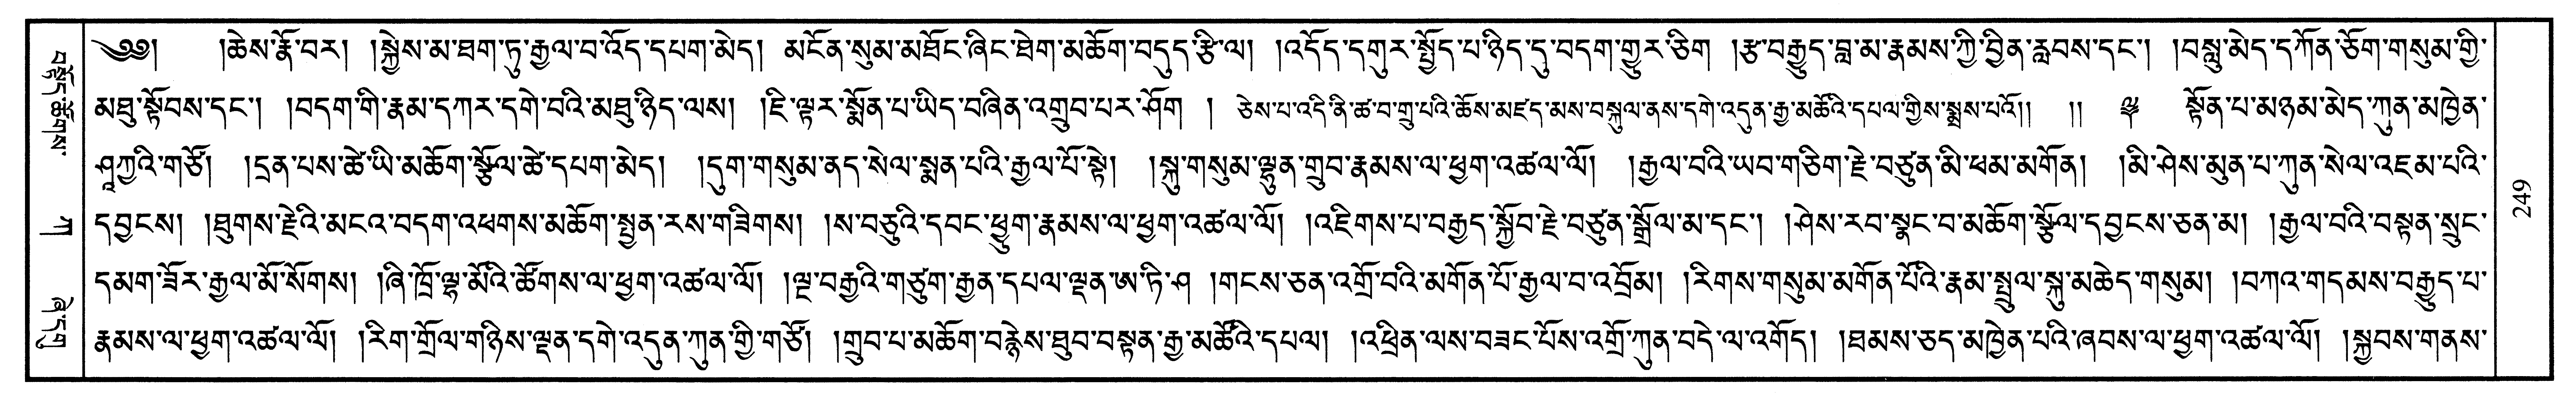༄༅། །ཆེས་རྣོ་བར། །སྐྱེས་མ་ཐག་ཏུ་རྒྱལ་བ་འོད་དཔག་མེད། མངོན་སུམ་མཐོང་ཞིང་ཐེག་མཆོག་བདུད་རྩི་ལ། །འདོད་དགུར་སྤྱོད་པ་ཉིད་དུ་བདག་གྱུར་ཅིག །རྩ་བརྒྱུད་བླ་མ་རྣམས་ཀྱི་བྱིན་རླབས་དང་། །བསླུ་མེད་དཀོན་ཅོག་གསུམ་གྱི་
མཐུ་སྟོབས་དང་། །བདག་གི་རྣམ་དཀར་དགེ་བའི་མཐུ་ཉིད་ལས། །ཇི་ལྟར་སྨོན་པ་ཡིད་བཞིན་འགྲུབ་པར་ཤོག །ཅེས་པ་འདི་ནི་ཚ་བ་གྲུ་པའི་ཆོས་མཛད་མས་བསྐུལ་ནས་དགེ་འདུན་རྒྱ་མཚོའི་དཔལ་གྱིས་སྨྲས་པའོ།། །། ༈ སྟོན་པ་མཉམ་མེད་ཀུན་མཁྱེན་
ཤཱཀྱའི་གཙོ། །དྲན་པས་ཚེ་ཡི་མཆོག་སྩོལ་ཚེ་དཔག་མེད། །དུག་གསུམ་ནད་སེལ་སྨན་པའི་རྒྱལ་པོ་སྟེ། སྐུ་གསུམ་ལྷུན་གྲུབ་རྣམས་ལ་ཕྱག་འཚལ་ལོ། །རྒྱལ་བའི་ཡབ་གཅིག་རྗེ་བཙུན་མི་ཕམ་མགོན། །མི་ཤེས་མུན་པ་ཀུན་སེལ་འཇམ་པའི་
དབྱངས། །ཐུགས་རྗེའི་མངའ་བདག་འཕགས་མཆོག་སྤྱན་རས་གཟིགས། །ས་བཅུའི་དབང་ཕྱུག་རྣམས་ལ་ཕྱག་འཚལ་ལོ། །འཇིགས་པ་བརྒྱད་སྐྱོབ་རྗེ་བཙུན་སྒྲོལ་མ་དང་། །ཤེས་རབ་སྣང་བ་མཆོག་སྩོལ་དབྱངས་ཅན་མ། །རྒྱལ་བའི་བསྟན་སྲུང་
དམག་ཟོར་རྒྱལ་མོ་སོགས། །ཞི་ཁྲོ་ལྷ་མོའི་ཚོགས་ལ་ཕྱག་འཚལ་ལོ། །ལྔ་བརྒྱའི་གཙུག་རྒྱན་དཔལ་ལྡན་ཨ་ཏི་ཤ་།གངས་ཅན་འགྲོ་བའི་མགོན་པོ་རྒྱལ་བ་འབྲོམ། །རིགས་གསུམ་མགོན་པོའི་རྣམ་སྤྲུལ་སྐུ་མཆེད་གསུམ། །བཀའ་གདམས་བརྒྱུད་པ་
རྣམས་ལ་ཕྱག་འཚལ་ལོ། །རིག་གྲོལ་གཉིས་ལྡན་དགེ་འདུན་ཀུན་གྱི་གཙོ། །གྲུབ་པ་མཆོག་བརྙེས་ཐུབ་བསྟན་རྒྱ་མཚོའི་དཔལ། །འཕྲིན་ལས་བཟང་པོས་འགྲོ་ཀུན་བདེ་ལ་འགོད། །ཐམས་ཅད་མཁྱེན་པའི་ཞབས་ལ་ཕྱག་འཚལ་ལོ། །སྐྱབས་གནས་